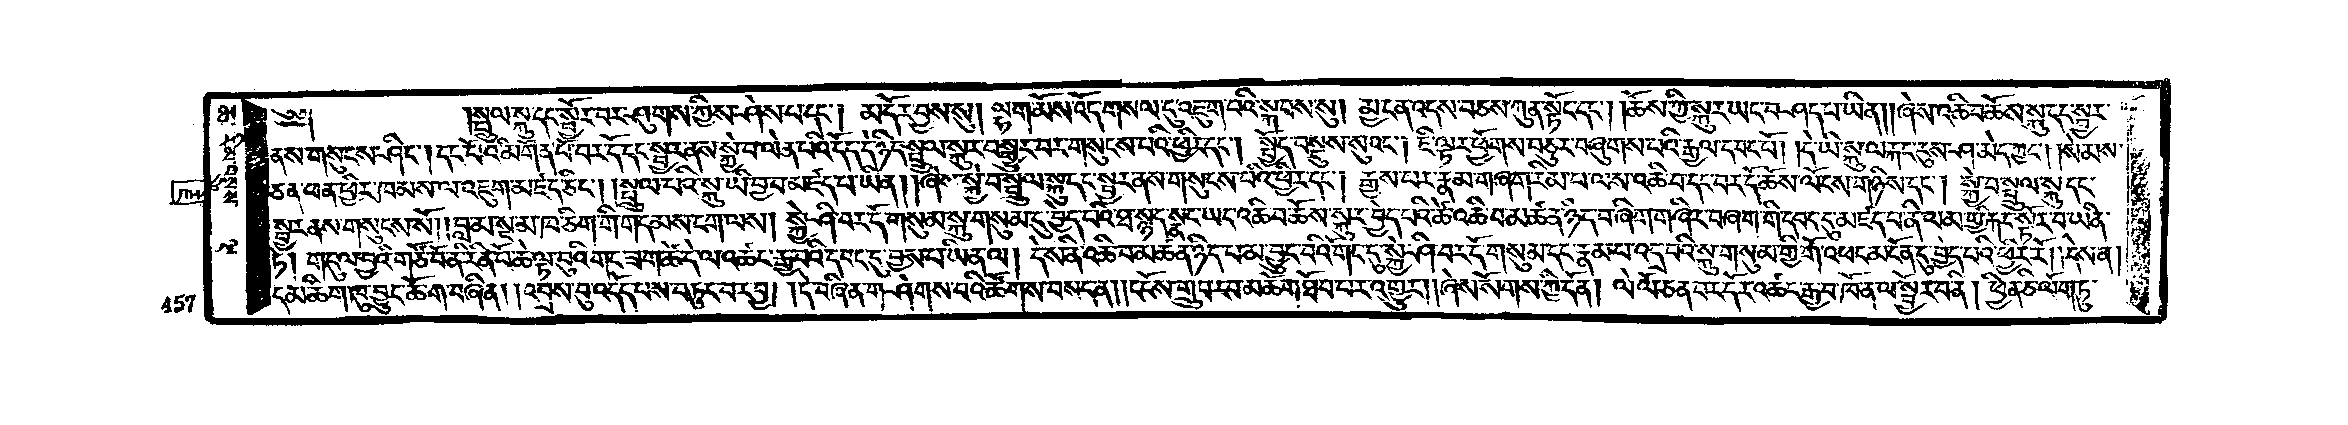༄༅། །སྤྲུལ་སྐུ་དང་སྦྱོར་བར་ཤུགས་ཀྱིས་ཤེས་པ་དང་། མདོར་བྱས་སུ། ལྷག་མོས་འོད་གསལ་དུ་འཇུག་པའི་སྐབས་སུ། མྱ་ངན་འདས་བཅས་ཀུན་སྟོང་དང་། །ཆོས་ཀྱི་སྐུར་ཡང་བཤད་པ་ཡིན། །ཞེས་འཆི་བ་ཆོས་སྐུ་དང་སྦྱར་
ནས་གསུངས་ཤིང་། དང་པོའི་མགོན་པོ་བར་དོ་དང་སྦྱར་ནས་སྐྱེ་བ་ལེན་པའི་དོད་དེ་ཉིད་སྤྲུལ་སྐུར་བསྒྱུར་བར་གསུངས་པའི་ཕྱིར་དང་། སྤྱོད་བསྡུས་སུའང་། ཇི་ལྟར་ཕྱོགས་བཅུར་བཞུགས་པའི་རྒྱལ་དབང་པོ། །དེ་ཡི་སྐུ་ལ་རྐང་རུས་ཤ་མེད་ཀྱང་། །སེམས་
ཅན་ཕན་ཕྱིར་ཁམས་ལ་འཇུག་མཛད་ཅིང་། །སྤྲུལ་པའི་སྐུ་ཡི་བྱ་བ་མཛད་པ་ཡིན། །ཞེས་སྐྱེ་བ་སྤྲུལ་སྐུ་དང་སྦྱར་ནས་གསུངས་པའི་ཕྱིར་དང་། རྒྱས་པར་རྣམ་གཞག་རིམ་པ་ལས་འཆི་བ་དང་བར་དོ་ཆོས་ལོངས་གཉིས་དང་། སྐྱེ་བ་སྤྲུལ་སྐུ་དང་
སྦྱར་ནས་གསུངས་སོ། །བླ་མ་སྔ་མ་ཁ་ཅིག་གི་གདམས་ངག་ལས། སྐྱེ་ཤི་བར་དོ་གསུམ་སྐུ་གསུམ་དུ་བྱེད་པའི་ཐ་སྙད་སྣང་ཡང་འཆི་བ་ཆོས་སྐུར་བྱེད་པའི་ཚེ་འཆི་བ་མཚན་ཉིད་བ་ཞིག་གཞིར་བཞག་གི་དབང་དུ་མཛད་པ་ནི་ལམ་གྱི་རྐང་སྟོར་བ་ཡིན་
ཏེ། གདུལ་བྱའི་གཙོ་བོ་ནི་རིན་པོ་ཆེ་ལྟ་བུའི་གང་ཟག་ཚེ་དེ་ལ་འཚང་རྒྱ་བའི་དབང་དུ་བྱས་པ་ཡིན་ལ། དེས་ནི་འཆི་བ་མཚན་ཉིད་པ་མ་བྱུང་བའི་གོང་དུ་སྐྱེ་ཤི་བར་དོ་གསུམ་དང་རྣམ་པ་འདྲ་བའི་སྐུ་གསུམ་གྱི་གོ་འཕང་མངོན་དུ་བྱེད་པའི་ཕྱིར་རོ། །དེས་ན།
དམ་ཚིག་ཁུ་བྱུང་ཆོ་ག་བཞིན། །འབྲས་བུ་འདོད་པས་བཏུང་བར་བྱ། །དེ་བཞིན་གཤེགས་པའི་ཚོགས་བསད་ན། །དངོས་གྲུབ་རབ་མཆོག་ཐོབ་པར་འགྱུར། །ཞེས་སོགས་ཀྱི་དོན། ལེ་ལོ་ཅན་བར་དོར་འཚང་རྒྱ་བ་ཁོ་ན་ལ་སྦྱོར་བ་ནི། ཕྱིན་ཅི་ལོག་ཏུ་